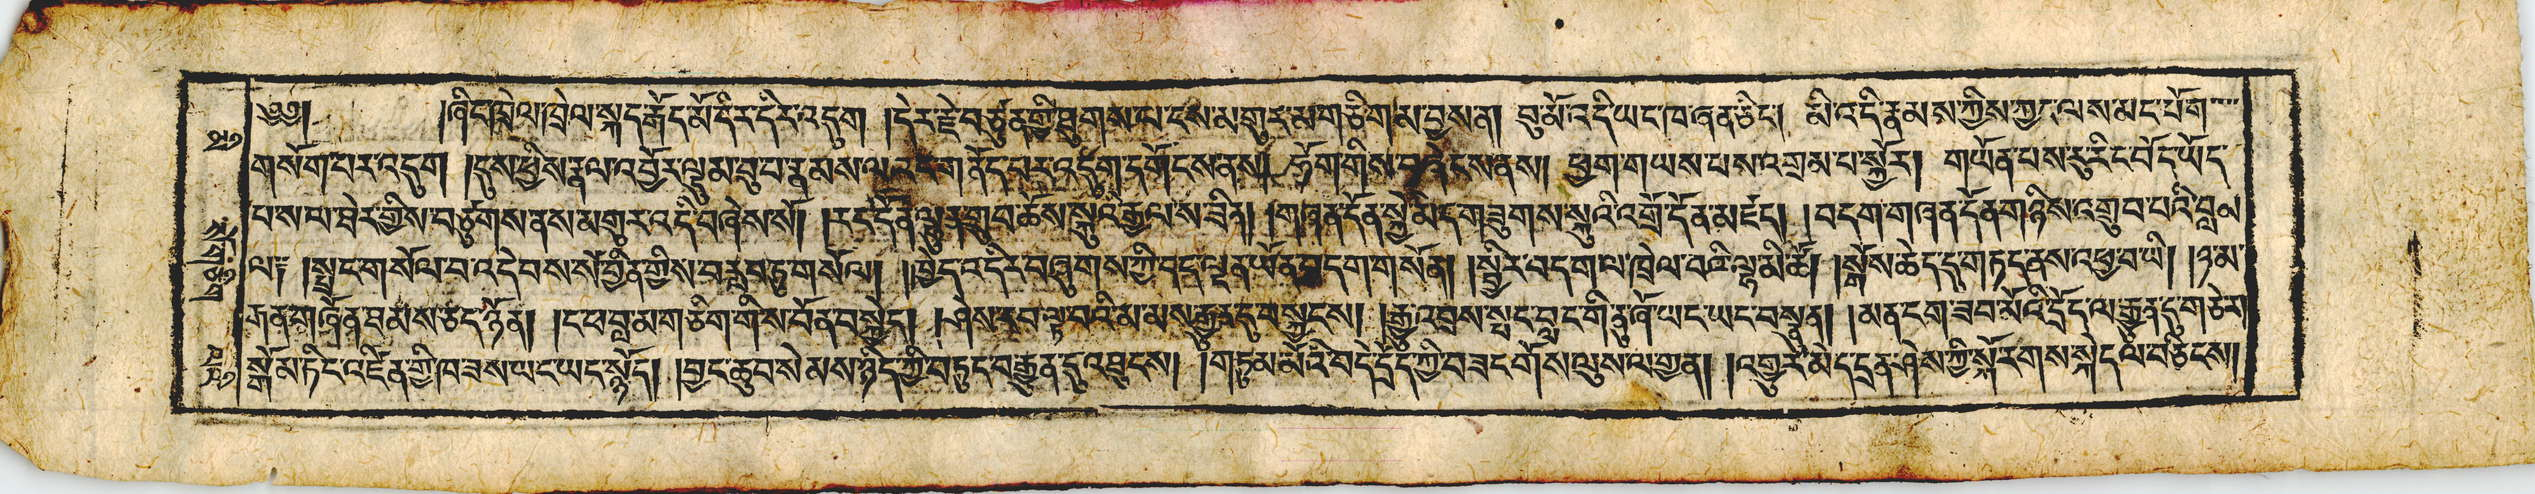ཞིང་ཁྲེལ་ཁྲེལ་སྐད་རྒོད་མོ་དིར་དིར་འདུག །དེར་རྗེ་བཙུན་གྱི་ཐུགས་ལ་ངས་མགུར་མ་གཅིག་མ་བྱས་ན། བུ་མོ་འདི་ཡང་ཁ་ཞན་ཅིང་། མི་འདི་རྣམས་ཀྱིས་ཀྱང་ལས་མང་པོ་
གསོག་པར་འདུག། །དུས་ཕྱིས་རྣལ་འབྱོར་ལྡོམ་བུ་བ་རྣམས་ལ་འཇུག་ནོད་པར་འདུག་དགོངས་ནས། ཉོག་གིས་བ ཞེངས་ནས། ཕྱག་གཡས་པས་འགྲམ་པ་སྐྱོར། གཡོན་པས་རུ་རིང་པོད་ཡོད་
པ་ས་ལ་ཐེར་གྱིས་བཙུགས་ནས་མགུར་འདི་བཞེས་སོ། །རང་དོན་ལྷུན་གྲུབ་ཆོས་སྐུའི་རྒྱལ་ས་ཟིན། །གཞན་དོན་སྐྱེ་མི་གཟུགས་སྐུའི་འགྲོ་དོན་མཛད། །བདག་གཞན་དོན་གཉིས་འགྲུབ་པའི་བླ་མ་
ལ༑ །སྤྲང་གསོལ་བ་འདེབས་སོ་བྱིན་གྱིས་བརླབ་ཏུ་གསོལ། །ཁྱེད་འདིར་བཞུགས་ཀྱི་དད་ལྡན་ཡོན་བདག་གསོན། །སྤྱིར་བདག་ལ་ཁྲེལ་བའི་ལྷ་མི་ཚོ། །སྒོས་ཆེད་དུ་གཏང་ནས་འཕྱ་བ་ཡི། །ཉ་མ་
རྒན་གཞོན་ཐམས་ཅད་ཉོན། །ང་ཕ་བླ་མ་གཅིག་གི་ས་བོན་བསྐྱེད། །ཤེས་རབ་ལྟ་བའི་མ་མ་རྒྱན་དུ་བསྐྱངས། །རྒྱུ་འབྲས་སྤང་བླང་གི་ནུ་ཞོ་ཡང་ཡང་བསྣན། །མན་ངག་ཟབ་མོའི་དྲོད་ལ་རྒྱུན་དུ་གཅེར། །
སྒོམ་ཏིང་འཛིན་གྱི་ཁ་ཟས་ཡང་ཡང་སྙོད། །བྱང་ཆུབ་སེམས་ཉིད་ཀྱི་བཏུང་བ་རྒྱུན་དུ་འཐུངས། །གཏུམ་མོའི་བདེ་དྲོད་ཀྱི་བཟང་གོས་ལུས་ལ་གྱོན། །འགྱུར་མེད་དྲན་ཤེས་ཀྱི་སྐེ་རགས་སྐེད་ལ་བཅིངས། །